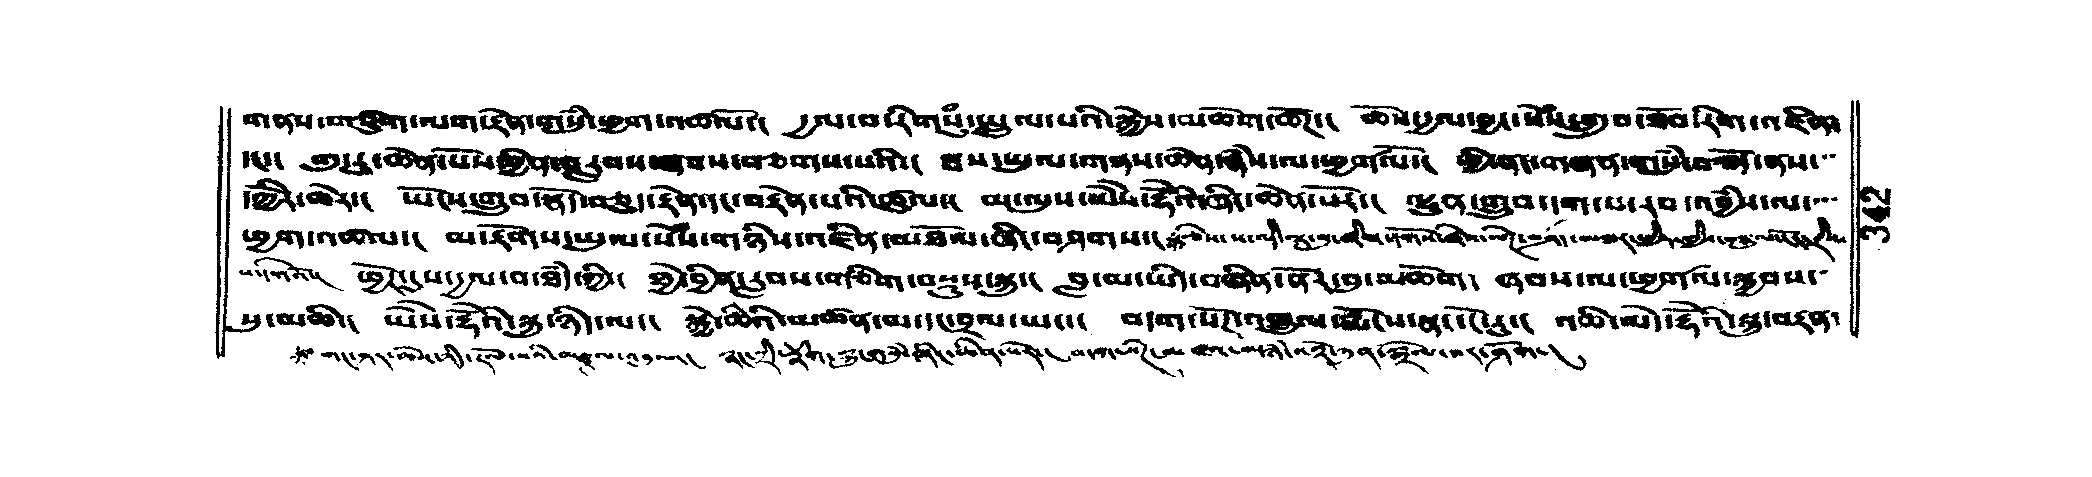གནས་གཙུག་ལག་རྟེན་གསུམ་ཕྱག་འཚལ་ལོ། །རྒྱལ་བ་རིགས་གསུམ་སྤྲུལ་པའི་སྐྱེས་མཆོག་ཚོགས། །ཆོས་རྒྱལ་བྱང་སེམས་གྲུབ་ཐོབ་རིག་འཛིན་
དང་། །གུ་རུ་ཆེན་པོས་བྱིན་བརླབས་ཞབས་བཅགས་པའི། །སྦས་ཡུལ་གནས་ཆེན་རྣམས་ལ་ཕྱག་འཚལ་ལོ། །ཕྱི་ནང་གཞན་གསུམ་གཟོད་ནས་
དཀྱིལ་འཁོར་ཆེར། །ཡོངས་གྲུབ་སྣོད་བཅུད་རྟེན་དང་བརྟེན་པའི་ཚུལ། །མ་ལུས་ཡེ་ཤེས་རྡོ་རྗེའི་ཞིང་ཆེན་པོར། །ལྷུན་གྲུབ་དག་པ་རབ་འབྱམས་ལ་
ཕྱག་འཚལ། །མ་རྟོགས་ཡུལ་སེམས་གཉིས་འཛིན་མཐོལ་ཞིང་བཤགས།གང་ཤར་ཆོས་ཉིད་རོལ་པའི་མཎྜལ་འབུལ། །སྣང་སྲིད་རྣམ་དག་སྐུ་གསུམ་ཞིང་ཆེན་པོར། །བདག་སོགས་མཁའ་མཉམ་འགྲོ་ཀུན་སྒྲོལ་བར་ཤོག ཅེས་པ་འདི་ལྟ་བུ་ཞིག་དགོས་ཞེས་ལེགས་བཤད་མཐར་ཕྱིན་གྱིས་བསྐུལ་ངོར་བྲིས་
པ་དགེའོ།། ཕྱོགས་དུས་རྒྱལ་བ་ཐམས་ཅད་ཀྱི། །ཐུགས་རྗེ་བྱིན་རླབས་གཅིག་བསྡུས་སྐུ། །བླ་མ་ཡིད་བཞིན་ནོར་བུ་མཆོག །ཞབས་ལ་ཕྱག་འཚལ་སྐྱབས་
སུ་མཆི། །ཡེ་ཤེས་རྡོ་རྗེའི་སྐུ་ཉིད་ལ། །སྐྱེ་འཆིའི་མཚན་མ་དང་བྲལ་ཡང་། །བདག་སོགས་འཁྲུལ་རྨོངས་སྣང་ངོ་རུ། །འཆི་མེད་རྡོ་རྗེའི་སྐུ་བརྟན་